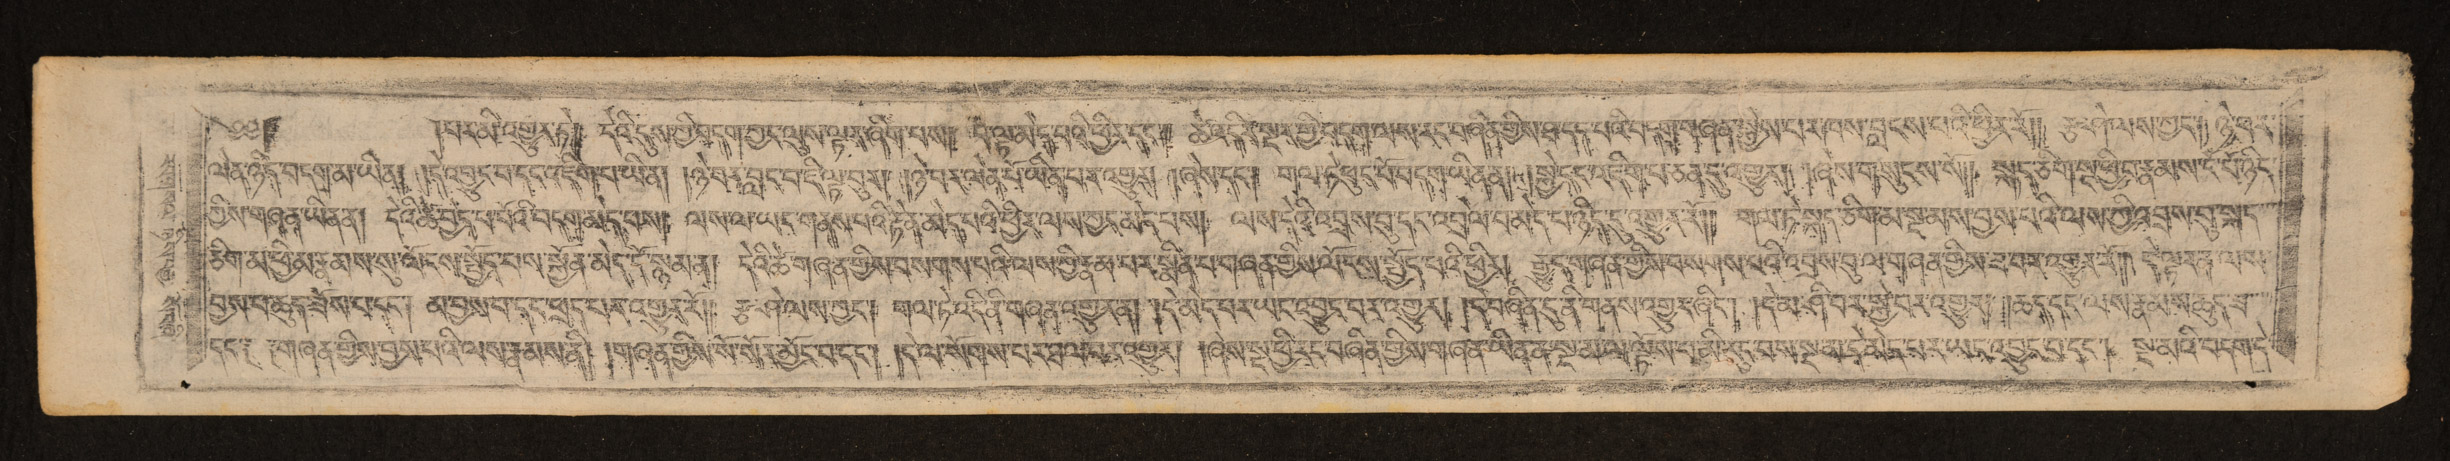༄༅། །བར་མི་འགྱུར་ཏེ། དེའི་དུས་ཀྱི་བདག་ཀྱང་ལུས་ལྟར་ཞིག་པས། ད་ལྟ་མེད་པའི་ཕྱིར་དང་། ཚེ་འདིར་སྔར་གྱི་བདག་ལས་རང་བཞིན་གྱིས་ཐ་དད་པའི་བདག་གཞན་སྐྱེས་པར་ཁས་བླངས་པའི་ཕྱིར་རོ།། རྩ་ཤེ་ལས་ཀྱང་། ཉེ་བར་
ལེན་ཉིད་བདག་མ་ཡིན། །དེ་འབྱུང་བ་དང་འཇིག་པ་ཡིན། །ཉེ་བར་བླང་བ་ཇི་ལྟ་བུར། །ཉེ་བར་ལེན་པོ་ཡིན་པར་འགྱུར། །ཞེས་དང་། གལ་ཏེ་ཕུང་པོ་བདག་ཡིན་ན། །སྐྱེ་དང་འཇིག་པ་ཅན་དུ་འགྱུར། །ཞེས་གསུངས་སོ།། སྐད་ཅིག་སྔ་ཕྱི་བ་རྣམས་ངོ་བོ་ཉིད་
ཀྱིས་གཞན་ཡིན་ན། དེའི་ཚེ་བྱེད་པ་པོའི་བདག་མེད་པས། ལས་ལ་ཡང་གནས་པའི་རྟེན་མེད་པའི་ཕྱིར་ལས་ཀྱང་མེད་པས། ལས་དེའི་འབྲས་བུ་དང་འབྲེལ་བ་མེད་པ་ཉིད་དུ་འགྱུར་རོ།། གལ་ཏེ་སྐད་ཅིག་མ་སྔ་མས་བྱས་པའི་ལས་ཀྱི་འབྲས་བུ་སྐད་
ཅིག་མ་ཕྱི་མ་རྣམས་སུ་ལོངས་སྤྱོད་པས་སྐྱོན་མེད་དོ་སྙམ་ན། དེའི་ཚེ་གཞན་གྱིས་བསགས་པའི་ལས་ཀྱི་རྣམ་པར་སྨིན་པ་གཞན་གྱིས་ལོངས་སྤྱོད་པའི་ཕྱིར། རྒྱུད་གཞན་གྱིས་བསགས་པའི་འབྲས་བུ་ལ་གཞན་གྱིས་ཟ་བར་འགྱུར་རོ།། དེ་ལྟར་ན་ལས་
བྱས་པ་ཆུད་ཟོས་པ་དང་། མ་བྱས་པ་དང་ཕྲད་པར་འགྱུར་རོ།། རྩ་ཤེ་ལས་ཀྱང་། གལ་ཏེ་འདི་ནི་གཞན་འགྱུར་ན། །དེ་མེད་པར་ཡང་འབྱུང་བར་འགྱུར། །དེ་བཞིན་དུ་ནི་གནས་འགྱུར་ཞིང་། །དེ་མ་ཤི་བར་སྐྱེ་བར་འགྱུར། །ཆད་དང་ལས་རྣམས་ཆུད་ཟ་
དང༑ ༑གཞན་གྱིས་བྱས་པའི་ལས་རྣམས་ནི། །གཞན་གྱིས་སོ་སོར་མྱོང་བ་དང་། །དེ་ལ་སོགས་པར་ཐལ་བར་འགྱུར། །ཞེས་སྔ་ཕྱི་རང་བཞིན་གྱིས་གཞན་ཡིན་ན་སྔ་མ་ལ་ལྟོས་པ་མི་རུང་བས་སྔ་མ་དེ་མེད་པར་ཡང་འབྱུང་བ་དང་། སྔ་མའི་བདག་དེ་